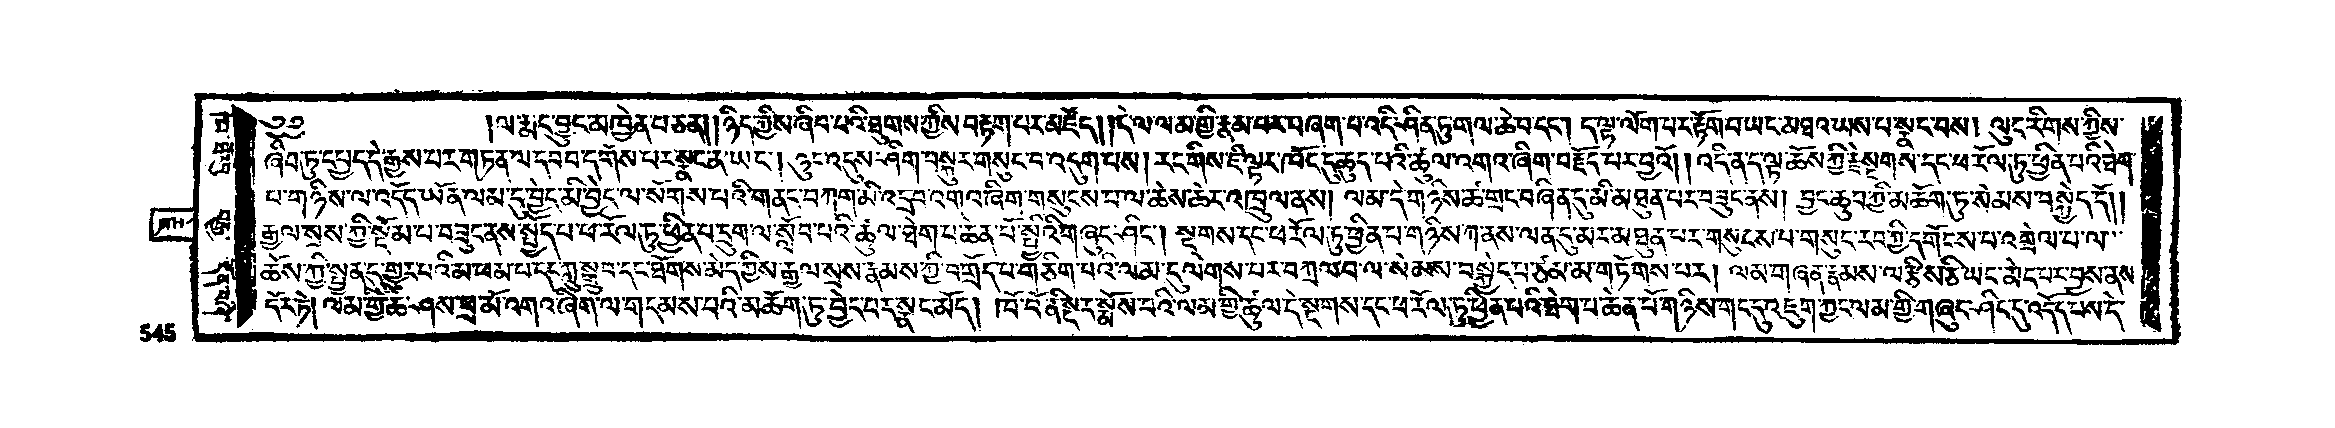༄༅། །ལ་རྨད་བྱུང་མཁྱེན་པ་ཅན། །ཉིད་ཀྱིས་ཞིབ་པའི་ཐུགས་ཀྱིས་བརྟག་པར་མཛོད། །དེ་ལ་ལམ་གྱི་རྣམ་པར་བཞག་པ་འདི་ཤིན་ཏུ་གལ་ཆེ་བ་དང་། ད་ལྟ་ལོག་པར་རྟོག་པ་ཡང་མཐའ་ཡས་པ་སྣང་བས། ལུང་རིགས་ཀྱིས་
ཞིབ་ཏུ་དཔྱད་དེ་རྒྱས་པར་གཏན་ལ་དབང་དགོས་པར་སྣང་ན་ཡང་། ཉུང་འདུས་ཤིག་བསྐུར་གསུང་བ་འདུག་པས། རང་གིས་ཇི་ལྟར་ཁོང་དུ་ཆུད་པའི་ཚུལ་འགའ་ཞིག་བརྗོད་པར་བྱའོ། །འདི་ན་ད་ལྟ་ཆོས་ཀྱི་རྗེ་སྔགས་དང་ཕ་རོལ་ཏུ་ཕྱིན་པའི་ཐེག་
པ་གཉིས་ལ་འདོད་ཡོན་ལམ་དུ་བྱེད་མི་བྱེད་ལ་སོགས་པའི་གནད་བཀག་མི་འདྲ་བ་འགའ་ཞིག་གསུངས་པ་ལ་ཆོས་ཆེར་འཁྲུལ་ནས། ལམ་དེ་གཉིས་ཚ་གྲང་བཞིན་དུ་མི་མཐུན་པར་བཟུང་ནས། བྱང་ཆུབ་ཀྱི་མཆོག་ཏུ་སེམས་བསྐྱེད་དོ། །
རྒྱལ་སྲས་ཀྱི་སྡོམ་པ་བཟུང་ནས་སྤྱོད་པ་ཕ་རོལ་ཏུ་ཕྱིན་པ་དྲུག་ལ་སློབ་པའི་ཚུལ་ཐེག་པ་ཆེན་པོ་སྤྱིའི་གཞུང་ཤིང་། སྔགས་དང་ཕ་རོལ་ཏུ་ཕྱིན་པ་གཉིས་ཀ་ནས་ལན་དུ་མར་མཐུན་པར་གསུངས་པ་གསུང་རབ་ཀྱི་དགོངས་པ་འགྲེལ་པ་ལ་
ཆོས་ཀྱི་སྤྱན་དུ་གྱུར་པའི་མ་ཕམ་པ་དང་ཀླུ་སྒྲུབ་དང་ཐོགས་མེད་ཀྱིས་རྒྱལ་སྲས་རྣམས་ཀྱི་བགྲོད་པ་གཅིག་པའི་ལམ་དུ་ལེགས་པར་བཀྲལ་བ་ལ་སེམས་བསྐྱེད་པ་ཙམ་མ་གཏོགས་པར། ལམ་གཞན་རྣམས་ལ་རྩིས་ཅི་ཡང་མེད་པར་བྱས་ནས་
དོར་ཏེ། ལམ་གྱི་ཆ་ཤས་ཕྲ་མོ་འགའ་ཞིག་ལ་གདམས་པའི་མཆོག་ཏུ་བྱེད་པར་སྣང་མོད། ཁོ་བོ་ནི་སྔར་སྨོས་པའི་ལམ་གྱི་ཚུལ་དེ་སྔགས་དང་ཕ་རོལ་ཏུ་ཕྱིན་པའི་ཐེག་པ་ཆེན་པོ་གཉིས་གང་དུ་འཇུག་ཀྱང་ལམ་གྱི་གཞུང་ཤིང་དུ་འདོད་པས་དེ་